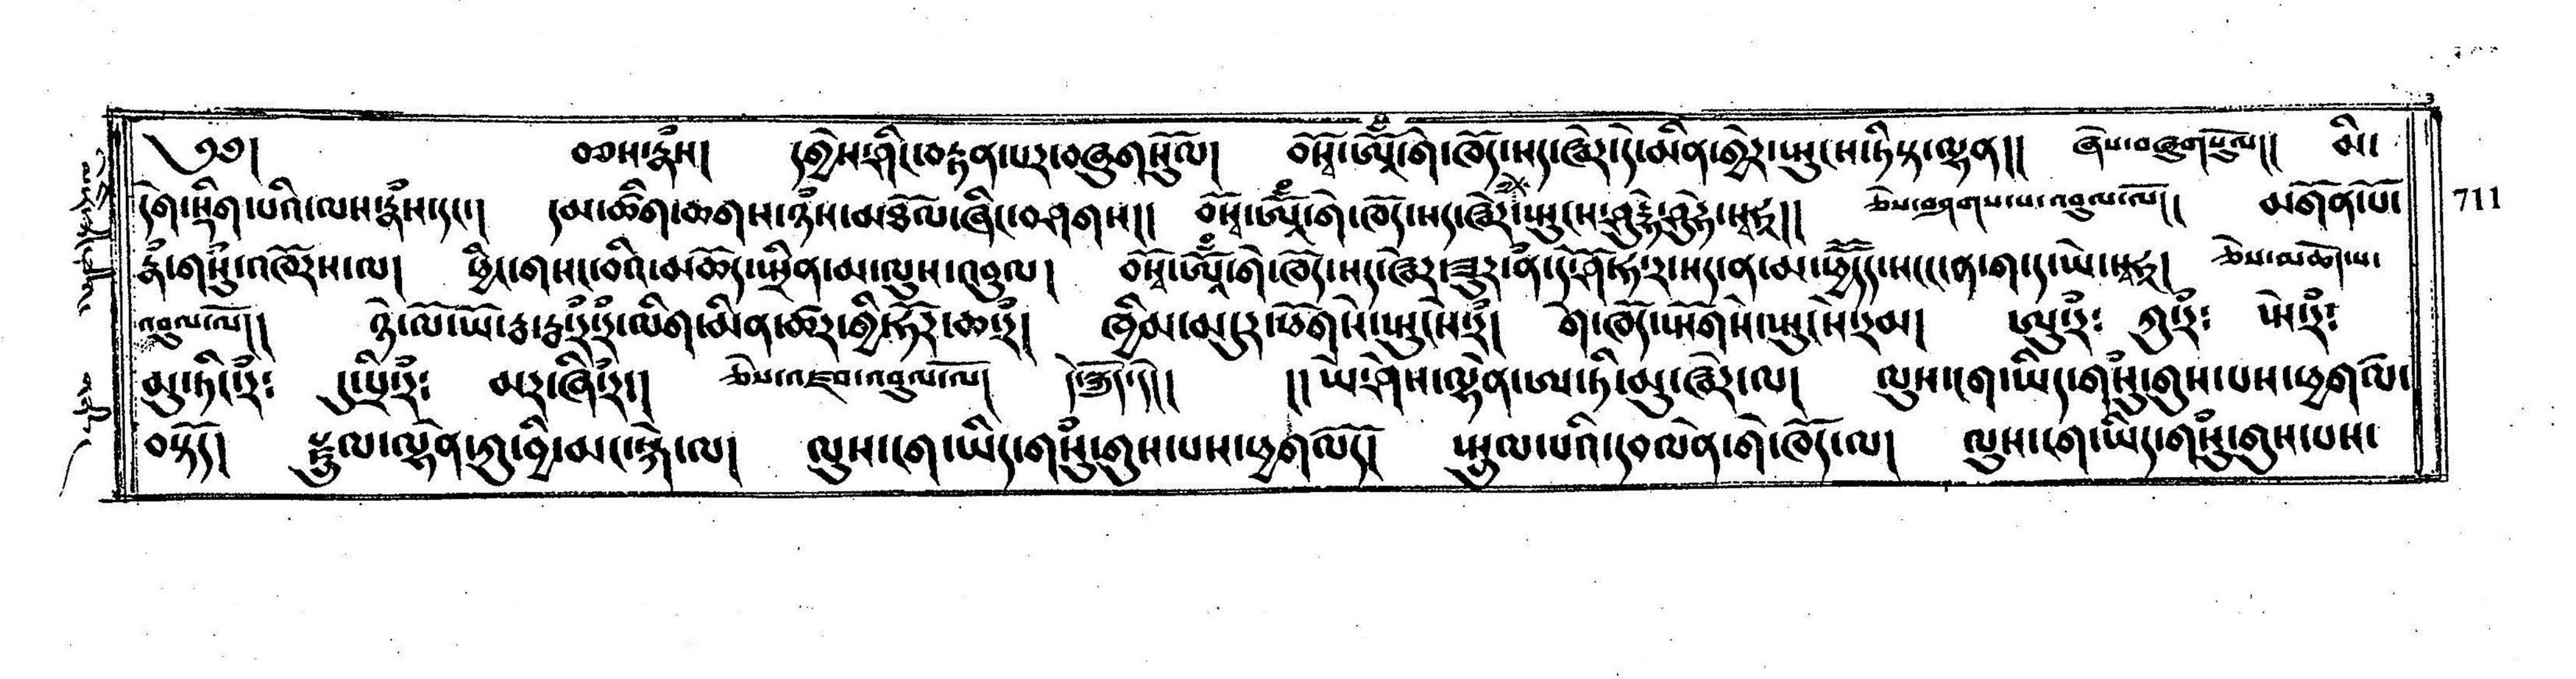བཅས་རྣམས། དགྱེས་ཤིང་བརྟན་པར་བཞུགས་སུ་གསོལ། བསྭོ་ཨཱོཾ་གེ་ཁོད་སད་ཝེར་དེ་མིན་གྱེར་སྤུངས་ཏི་སྟ་ལྷན།། ཞེས་བཞུགས་སུ་གསོལ། མི་
དགེ་སྡིག་པའི་ལས་རྣམས་དང་། དམ་ཚིག་ཆགས་ཉམས་མཐོལ་ཞིང་བཤགས།། བསྭོ་ཨཱོཾ་གེ་ཁོད་སད་ཝེར་གྱེར་སྤུངས་ཤུདྷེ་ཤུདྷེ་སྭཧཱ། ཅེས་བཤགས་པ་འབུལ་ལོ།། མགོན་པོ་
རྣམ་གསུམ་འཁོར་བཅས་ལ། ཕྱི་ནང་གསང་བའི་མཆོད་སྤྲིན་མ་ལུས་འབུལ། བསྭོ་ཨཱོཾ་གེ་ཁོད་སད་ཝེར་ཟུར་ནམ་དེ་ཤོ་ཧ་ར་སད་ན་མ་ཕྱོད་ཕྱོད་སང་སང་ན་ག་ད་ཡེ་སྭཧཱ། ཅེས་མཆོད་པ་
འབུལ་ལོ།། ཉེ་ལོ་ཡོ་རྦ་རྦ་རཾ་རཾ་ལིག་མིན་ཚར་གྱི་ཧོར་ཆ་རཾ། ཁྱིམ་མདུར་ཕོགས་སེ་སྤུངས་སེ་རཾ། གེ་ཁོད་སྤོགས་སེ་སྤུངས་སེ་རཾ། ཨུ་རཾ་ཀུ་རཾ་སྤེ་རཾ་
མུ་ཏིང་རཾ་དུ་པྲི་རཾ་མར་ཞི་རཾ། ཅེས་འཛབ་འབུལ་ལོ། དེ་སྐུ་བསྟོད་དོ།། །།ཡེ་ཤེས་ལྷ་ཆེན་ཨ་ཏི་མུ་ཝེར་ལ། {734}ལུས་ངག་ཡིད་གསུམ་གུས་པས་ཕྱག་འཚལ་
བསྟོད། རྫུ་འཕྲུལ་ལྷ་ཆེན་ཀུ་བྱི་མང་སྐེ་ལ། ལུས་ངག་ཡིད་གསུམ་གུས་པས་ཕྱག་འཚལ་བསྟོད། སྤྲུལ་པའི་དབལ་ཆེན་གེ་ཁོད་ལ། ལུས་ངག་ཡིད་གསུམ་གུས་པས་